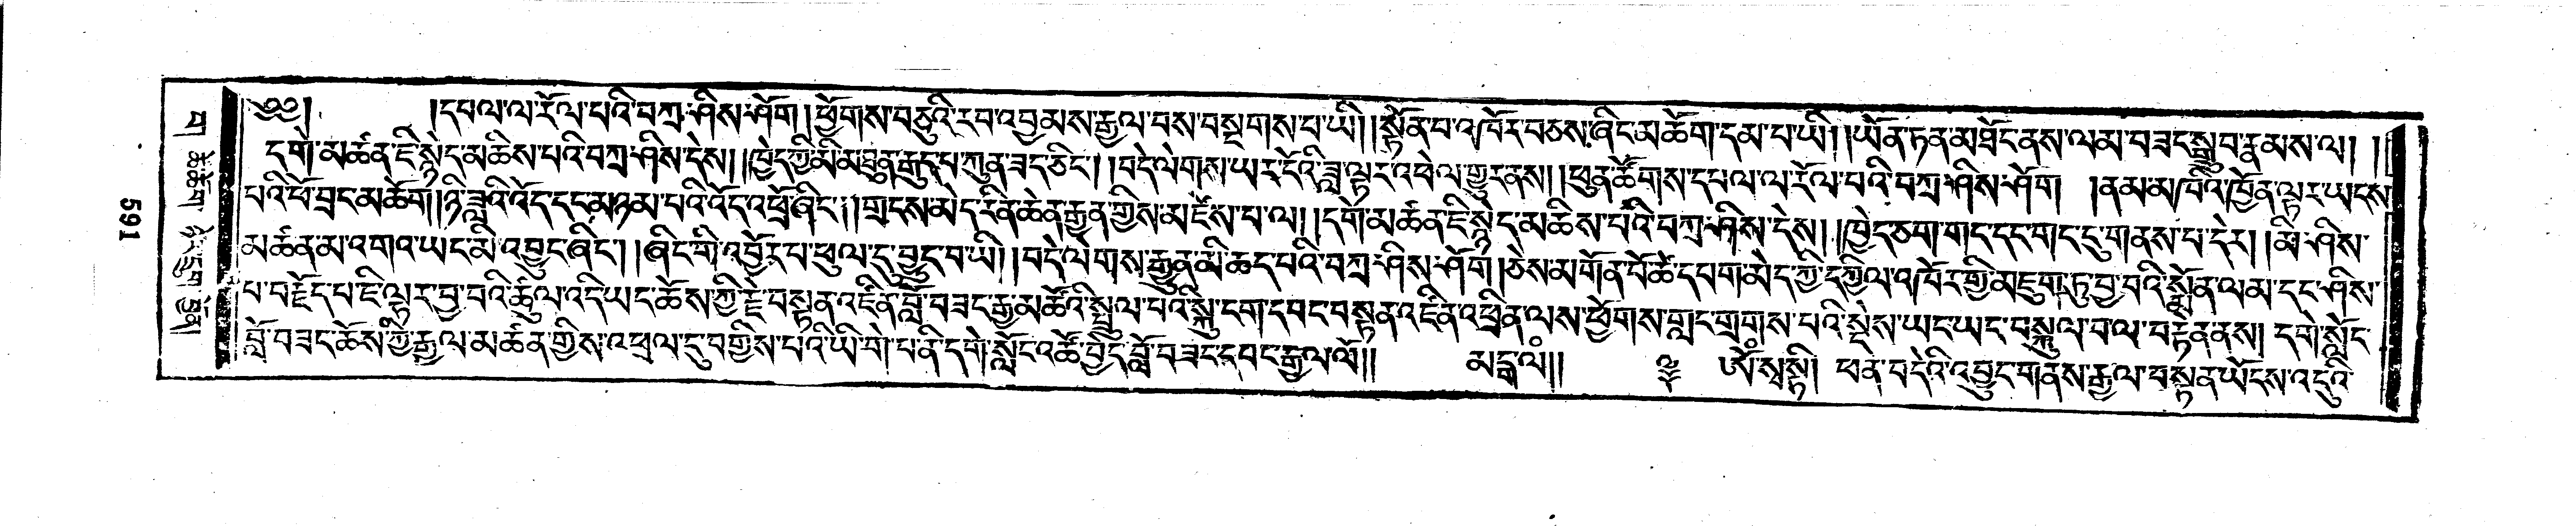༄༅། །དཔལ་ལ་རོལ་པའི་བཀྲ་ཤིས་ཤོག །ཕྱོགས་བཅུའི་རབ་འབྱམས་རྒྱལ་བས་བསྔགས་པ་ཡི། །སྟོན་པ་འཁོར་བཅས་ཞིང་མཆོག་དམ་པ་ཡི། །ཡོན་ཏན་མཐོང་ནས་ལམ་བཟང་སྒྲུབ་རྣམས་ལ། །
དགེ་མཚན་ཇི་སྙེད་མཆིས་པའི་བཀྲ་ཤིས་དེས། །ཁྱེད་ཀྱི་མི་མཐུན་རྒྱུད་པ་ཀུན་ཟད་ཅིང་། །བདེ་ལེགས་ཡར་ངོའི་ཟླ་ལྟར་འཕེལ་གྱུར་ནས། །ཕུན་ཚོགས་དཔལ་ལ་རོལ་པའི་བཀྲ་ཤིས་ཤོག །ནམ་མཁའི་ཁྱོན་ལྟར་ཡངས་
པའི་ཕོ་བྲང་མཆོག །ཉི་ཟླའི་འོད་དང་མཉམ་པའི་འོད་འཕྲོ་ཞིང་། །གྲངས་མེད་རིན་ཆེན་རྒྱན་གྱིས་མཛེས་པ་ལ། །དགེ་མཚན་ཇི་སྙེད་མཆིས་པའི་བཀྲ་ཤིས་དེས། །ཁྱེད་ཅག་གང་དང་གང་དུ་གནས་པ་དེར། །མི་ཤིས་
མཚན་མ་འགའ་ཡང་མི་འབྱུང་ཞིང་། །ཞིང་གི་འབྱོར་པ་ཕུལ་དུ་བྱུང་བ་ཡི། །བདེ་ལེགས་རྒྱུན་མི་ཆད་པའི་བཀྲ་ཤིས་ཤོག །ཅེས་མགོན་པོ་ཚེ་དཔག་མེད་ཀྱི་དཀྱིལ་འཁོར་གྱི་མཇུག་ཏུ་བྱ་བའི་སྨོན་ལམ་དང་ཤིས་
པ་བརྗོད་པ་ཇི་ལྟར་བྱ་བའི་ཚུལ་འདི་ཡང་ཆོས་ཀྱི་རྗེ་བསྟན་འཛིན་བློ་བཟང་རྒྱ་མཚོའི་སྤྲུལ་པའི་སྐུ་ངག་དབང་བསྟན་འཛིན་འཕྲིན་ལས་ཕྱོགས་གླང་གྲགས་པའི་སྡེས་ཡང་ཡང་བསྐུལ་བ་ལ་བརྟེན་ནས། དགེ་སློང་
བློ་བཟང་ཆོས་ཀྱི་རྒྱལ་མཚན་གྱིས་འཕྲལ་དུ་བགྱིས་པའི་ཡི་གེ་པ་ནི་དགེ་སློང་འཚོ་བྱེད་བློ་བཟང་དབང་རྒྱལ་ལོ།། མངྒ་ལཾ།། ༈ ཨོཾ་སྭསྟི། ཕན་བདེའི་འབྱུང་གནས་རྒྱལ་བསྟན་ཡོངས་འདུའི་